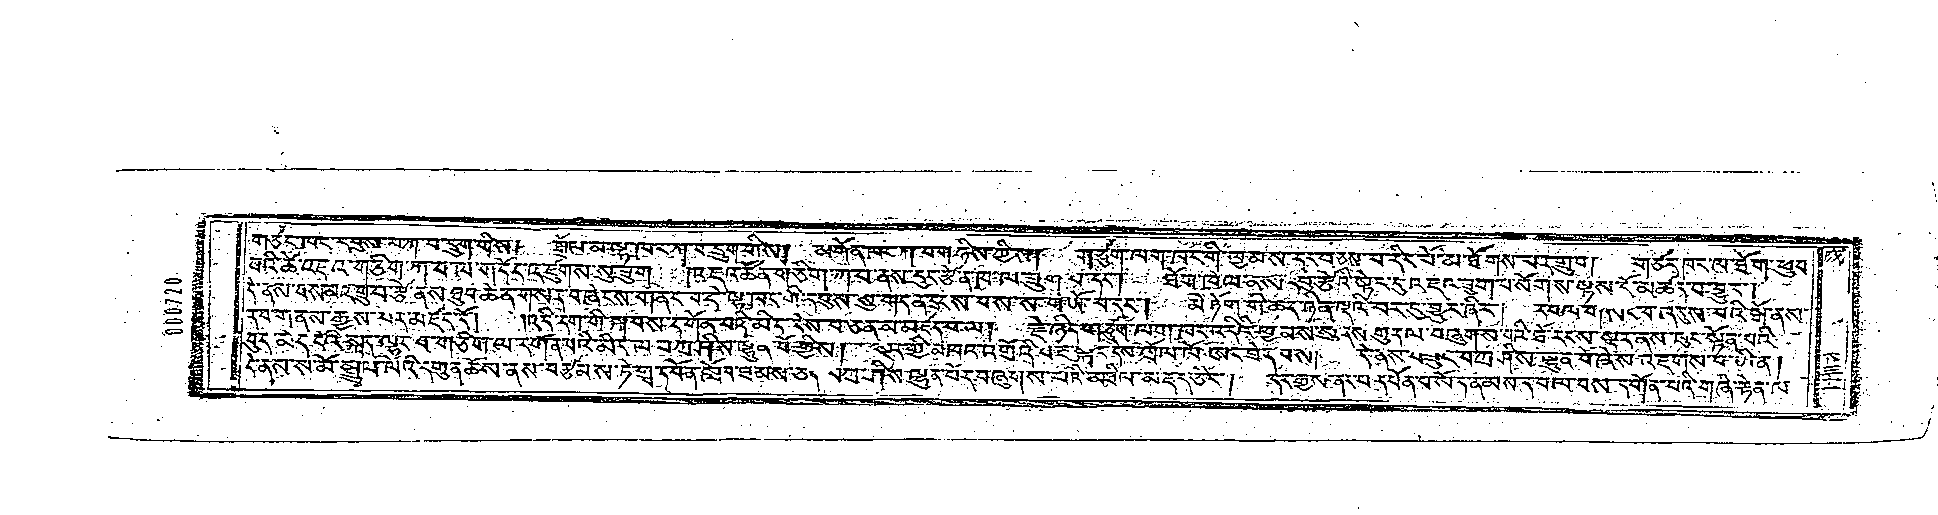གཙང་ཁང་དབུས་མ་ཀ་བ་དྲུག་གིས། སྒྲོལ་མ་ལྷ་ཁང་ཀ་བ་དྲུག་གིས། མགོན་ཁང་ཀ་བ་གཉིས་ཀྱིས། གཙུག་ལག་ཁང་གི་ཁྱམས་དང་བཅས་པ་རིང་པོ་མ་ཐོགས་པར་གྲུབ། གཙང་ཁང་གླ་ཐོག་ཕུབ་
པའི་ཚེ་འཇའ་གཅིག་ཀ་བ་ལ་གདོང་འཛུ་གས་སུ་ཟུག །འཇའ་ཚོན་གཅིག་ཀ་པ་ནས་དུང་རྩེ་ན་ཁ་ལ་ཟུག་པ་དང་། ཐོག་ཁེལ་ནས་དབུ་རྲྩེའི་སྟེང་དུ་འཇའ་ཟུག་པ་སོགས་ལྟས་ངོ་མཚར་བ་བྱུང་།
དེ་ནས་བསམ་འགྲུབ་རྩེ་ནས་ཐུབ་ཆེན་གསར་བཞེངས་གནང་བ་དེ་ལྷ་ཁང་གི་དབུས་སུ་གདན་དྲངས་པས་ས་གཡོ་པ་དང་། མེ་ཏོག་གི་ཆར་ཉིན་ལྡའི་བར་དུ་བྱུང་ཞིང་། དཔལ་གསང་བ་འདུས་པའི་སྒོ་ནས་
རབ་གནས་རྒྱས་པར་མཛད་དོ། །འདི་དག་གི་སྐབས་དགོན་པའི་མིང་ངེས་པ་ཅན་མ་མཛད་བ་ལ། རྗེ་ཉིད་གཙུག་ལག་ཁང་འདིའི་ཁྱམས་སུ་རས་གུར་ལ་བཞུགས་པའི་ཐོ་རངས་སྔར་ནས་ལུང་སྟོན་པའི་
བུད་མེད་དེའི་སྐད་ལྷང་བ་གཅིག་ལ་དགོན་པའི་མིང་ལ་བཀྲ་ཤིས་ལྷུན་བོ་གྱིས། སྔར་གྱི་མཁའ་འགྲོའི་བརྡ་སྐད་དེས་ཁྲོལ་ལོ་ཨང་ཟེར་བས། དེ་ནས་བཟུང་བཀྲ་ཤིས་ལྷུན་བོ་ཞེས་འཇགས་པ་ཡིན།
དེ་ནས་ས་མོ་སྦྲུལ་ལོའི་དགུན་ཆོས་ནས་བརྩམས་ཏེ་གྲྭ་དབོན་སློབ་ཐམས་ཅད་བཀྲ་ཤིས་ལྷུན་པོར་བཞུགས་པའི་མཐིལ་མཛད་ཅིང་། དར་རྒྱས་ནང་པ་དཔོན་བསོད་ནམས་དཔལ་བས་དགོན་པའི་གཞི་རྟེན་ལ་